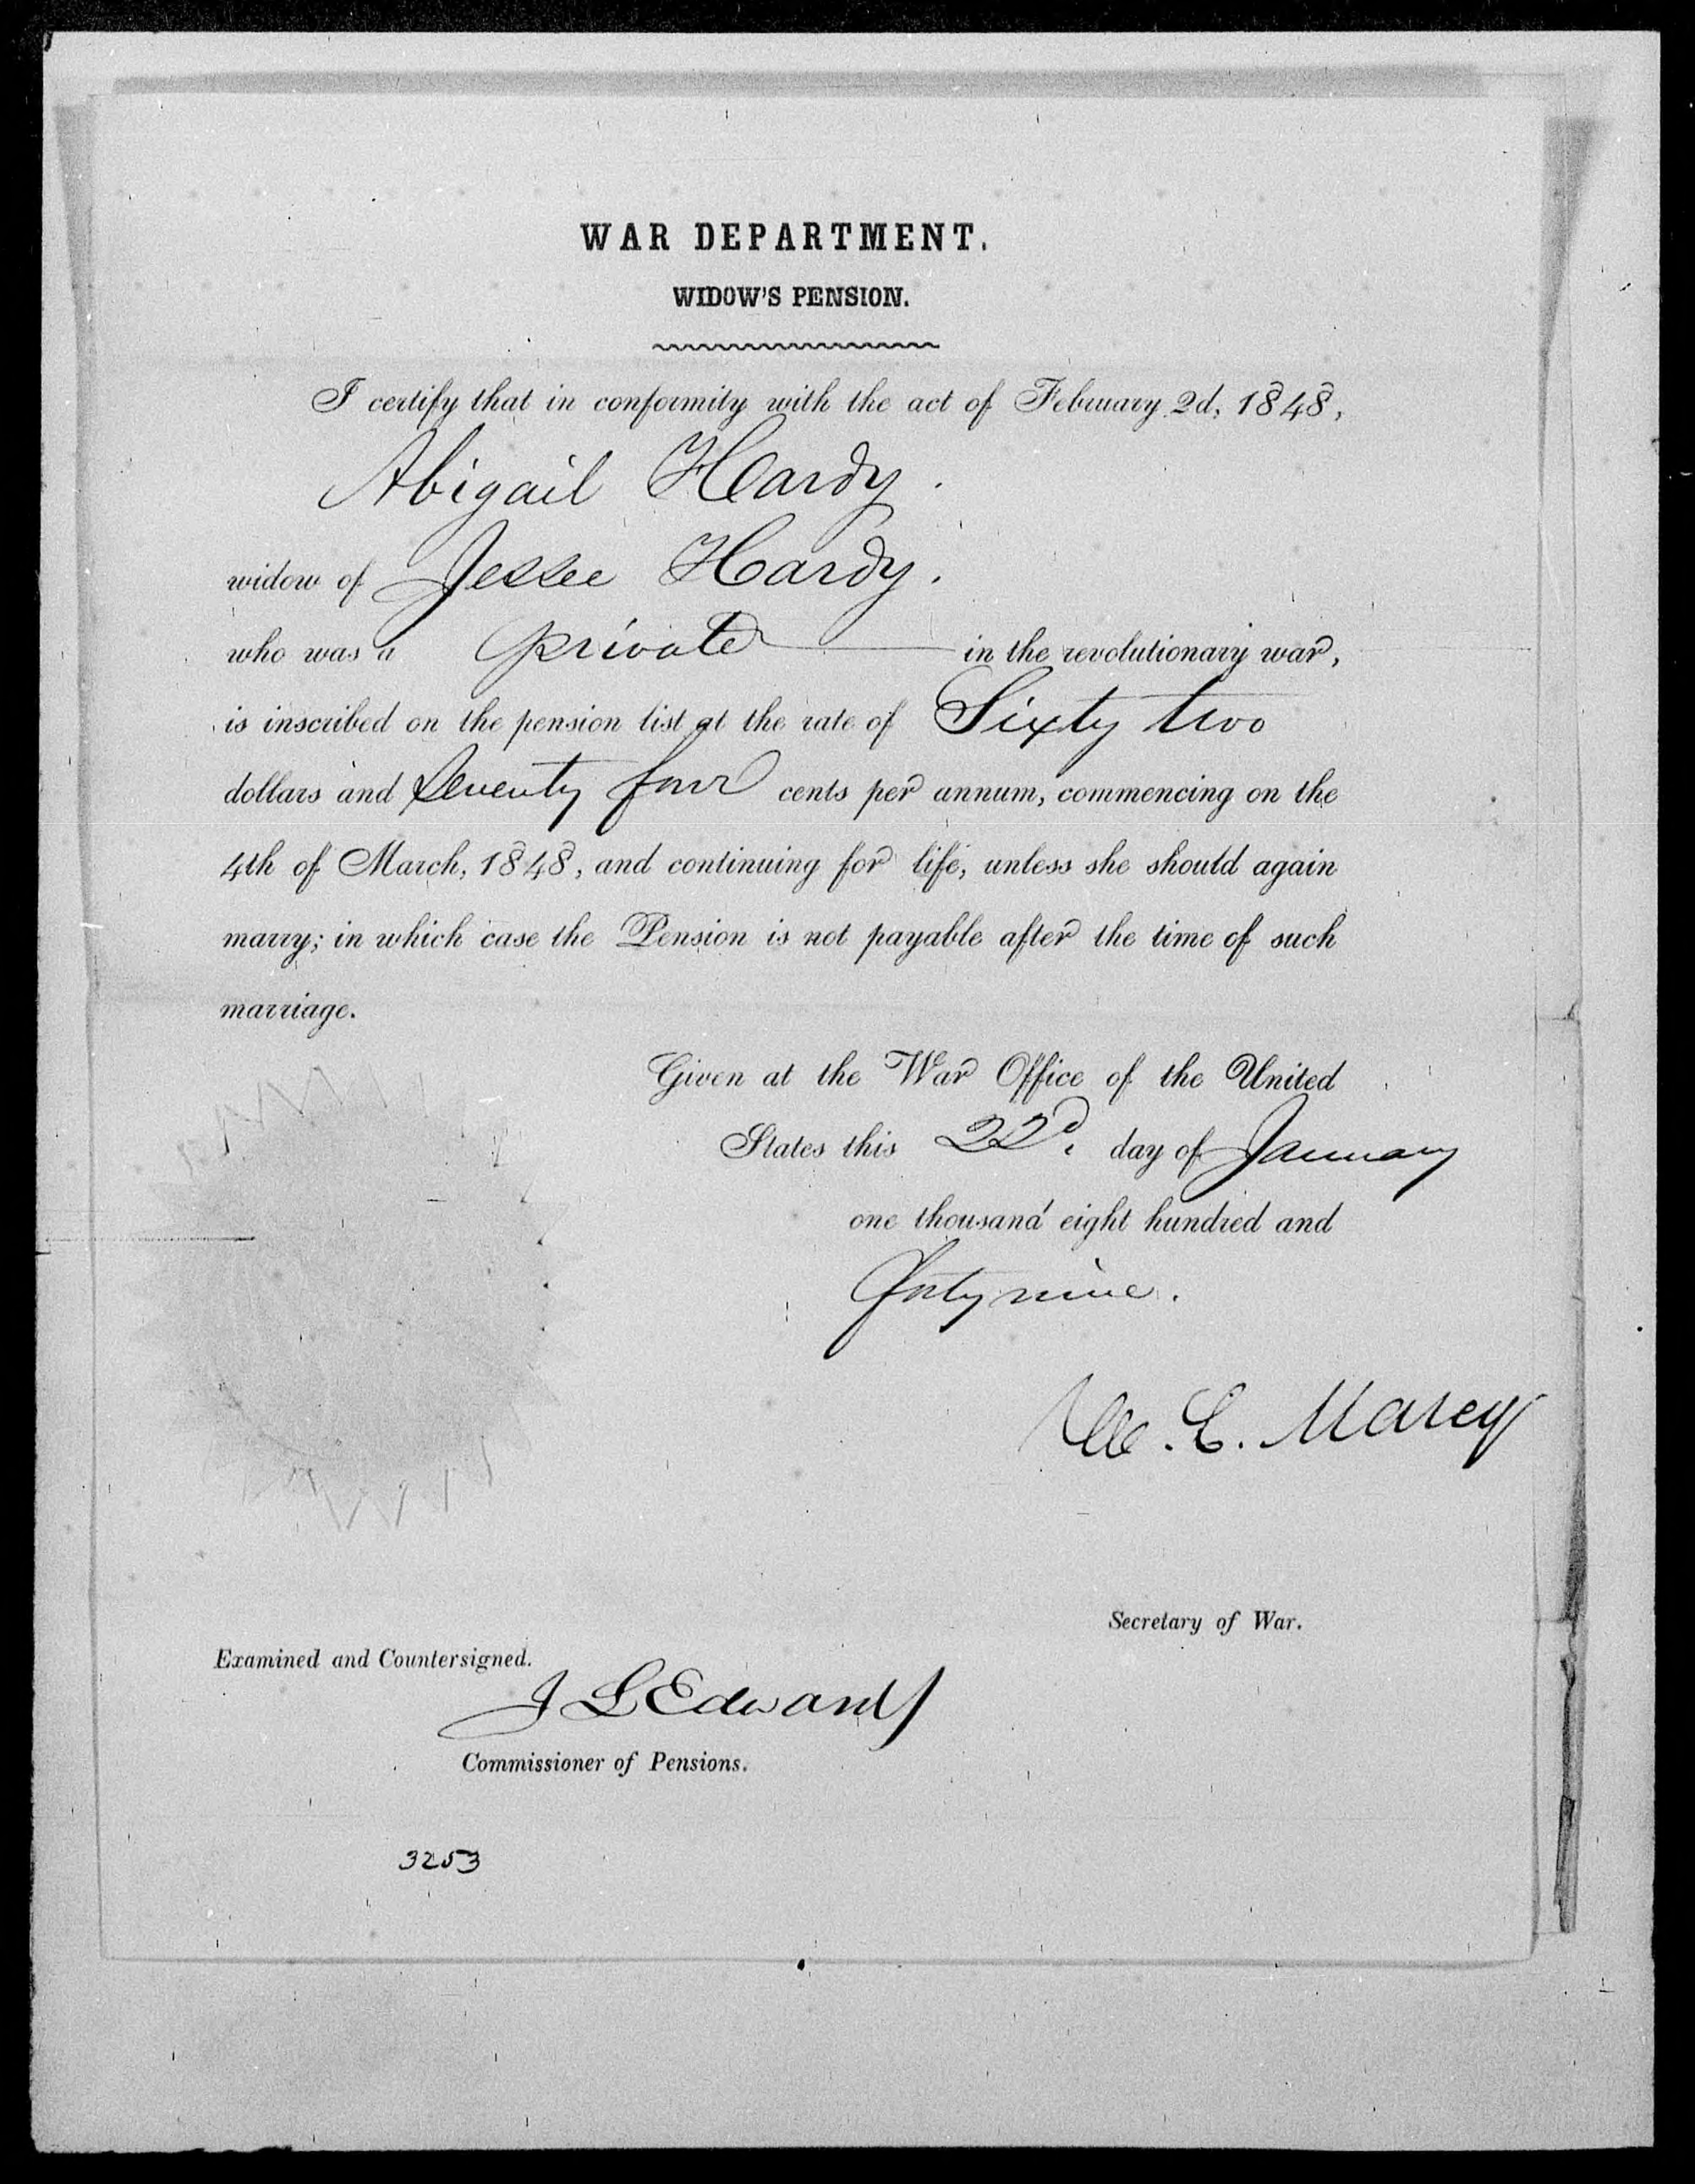WAR DEPARTMENT. WIDOW'S PENSION. --- 
I certify that in conformity with the act of February 2, 1848, Abigail Hardy widow of Jessee Hardy who was a Private in the revolutionary war is inscribed on the pension list at the rate of Sixty two dollars and Seventy four cents per annum, commencing on the 4th of March, 1848, and continuing for life, unless she should again marry; in which case the Pension is not payable after the time of such marriage 
Given at the War Office of the United States this 22d day of January one thousand eight hundred and forty nine 
M.L. Marcy Secretary of War.
Examined and Countersigned. J L Edwards Commissioner of Pensions. 3253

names: J L Edwards, M L Marcy, Jessee Hardy, Abigail Hardy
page: 59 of 67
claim: widow's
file: W. 23183, Jesse Hardy, Mass.